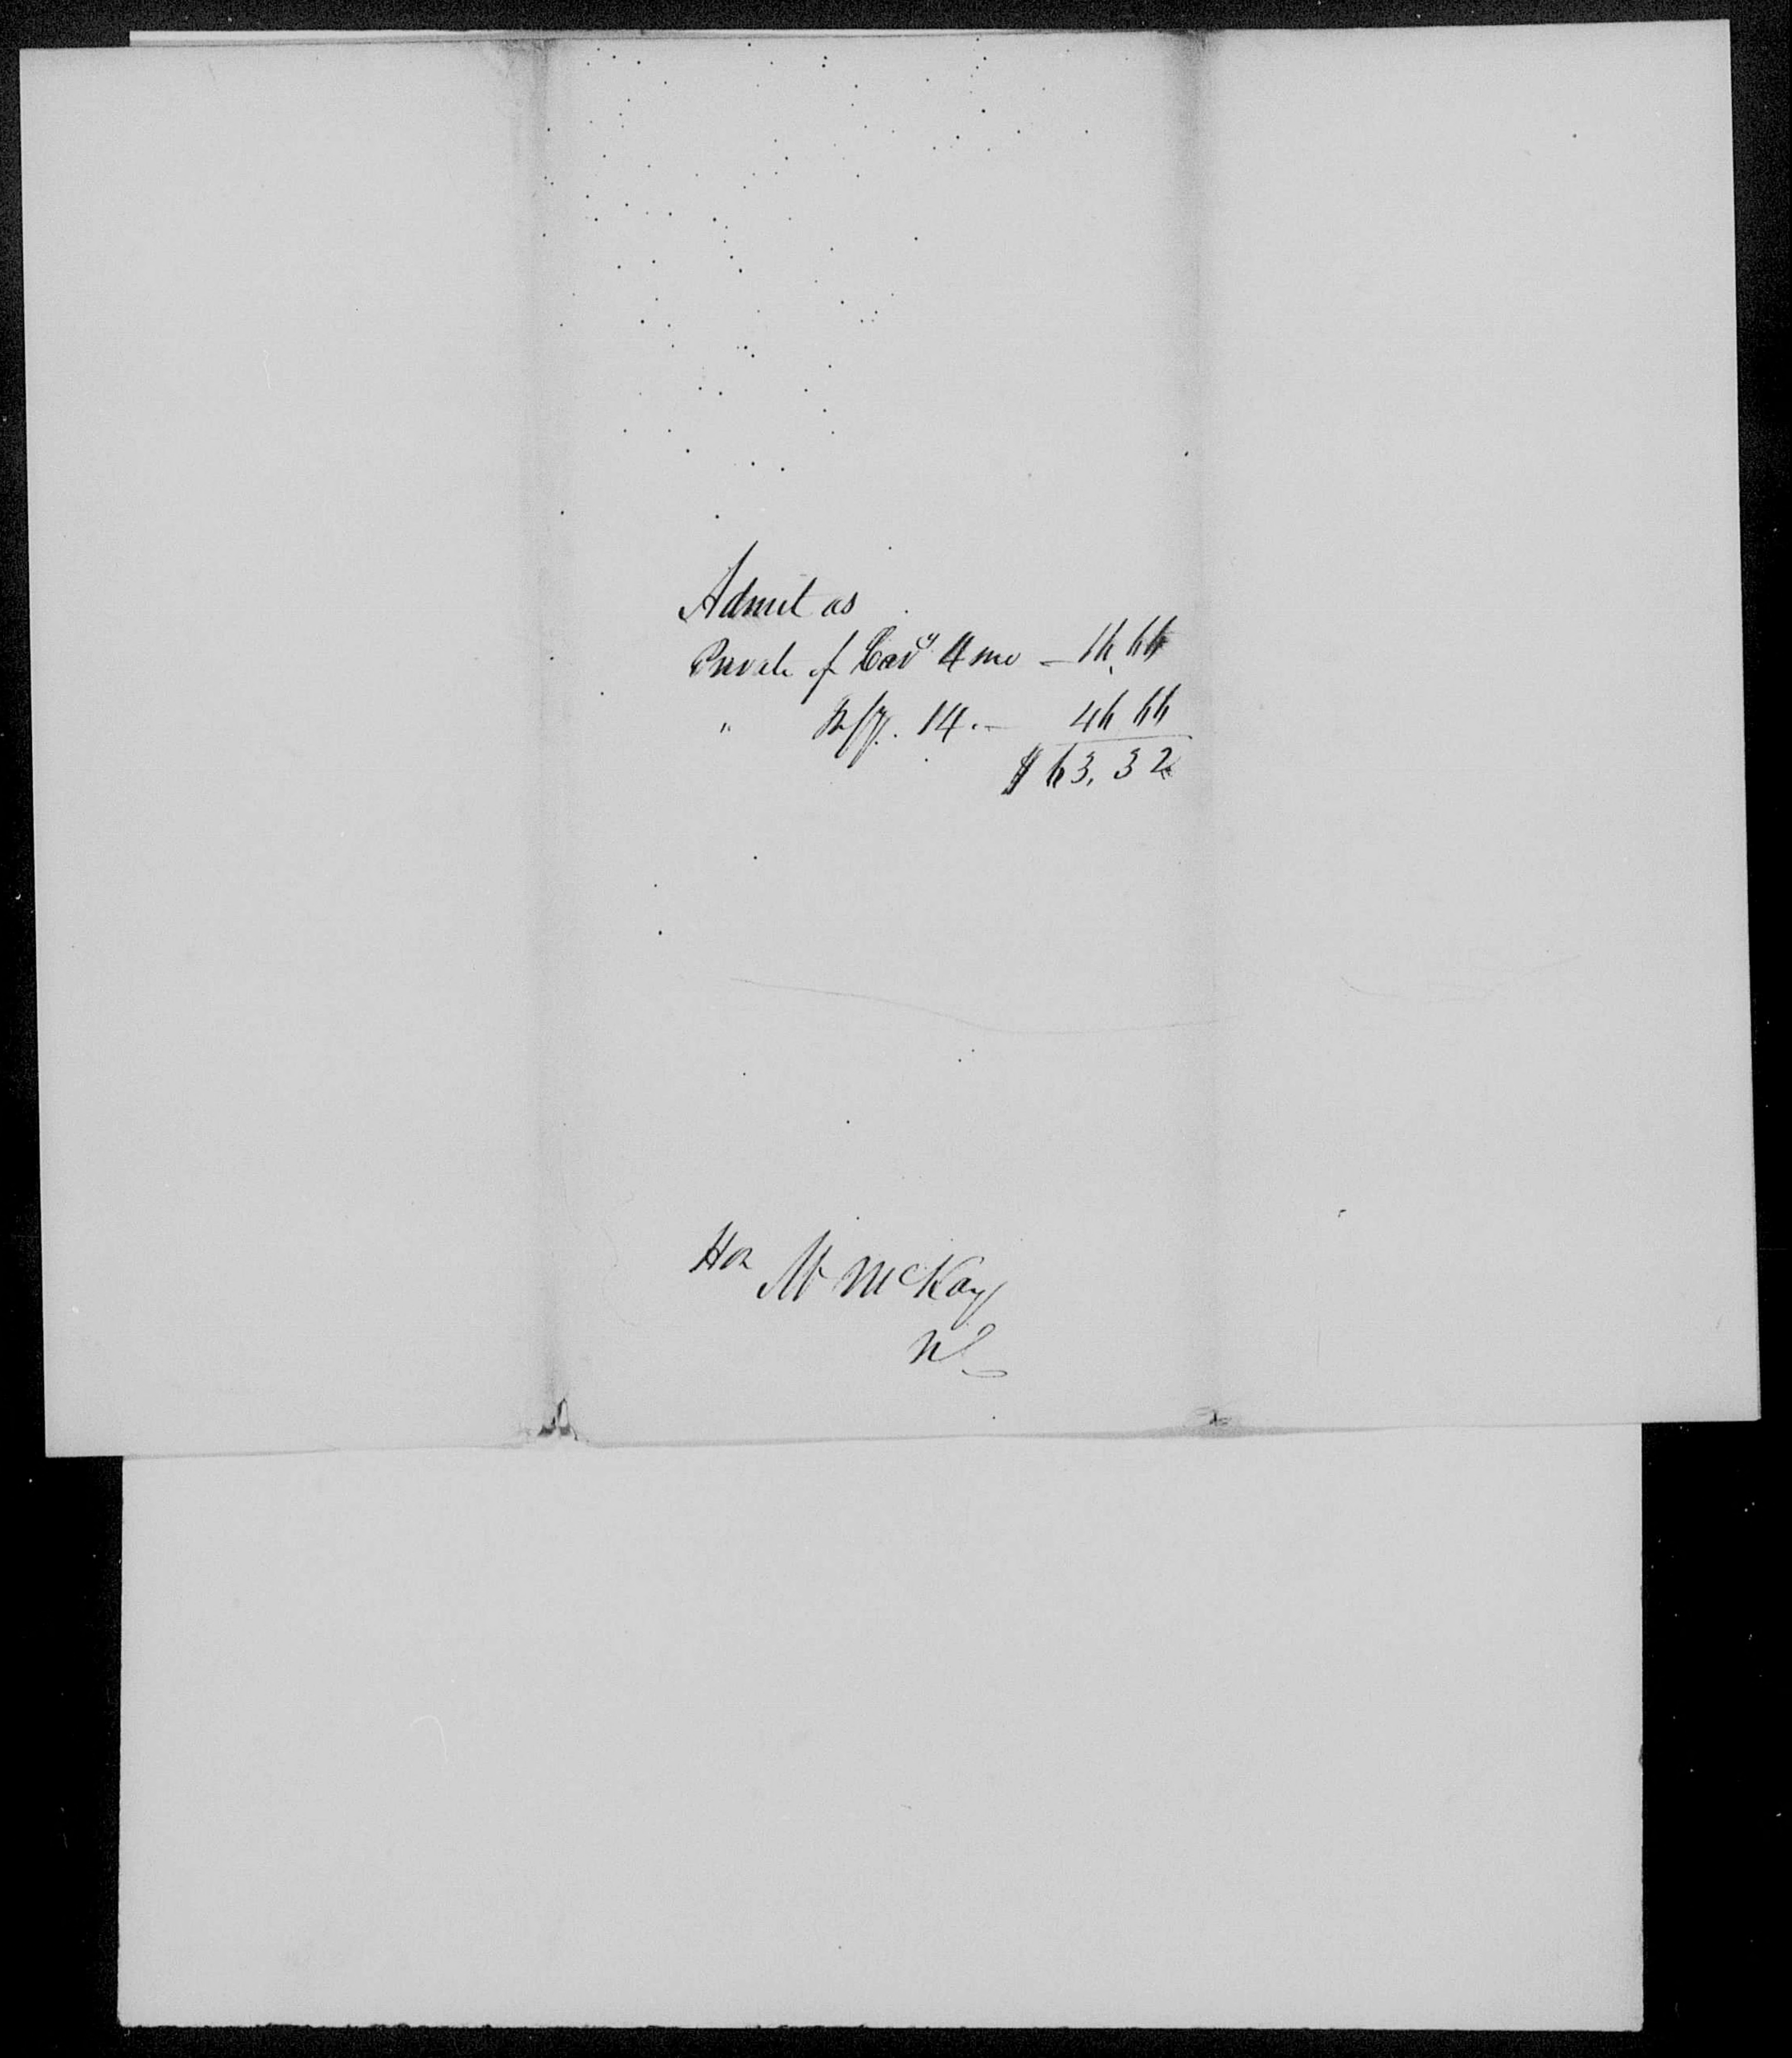Admit as 
XXXXX of Car 4 mo  16.66
          XXXXX 14        46.66
                                  $63.32

Hon. W Mckay
                               W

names: Mc Kay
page: 31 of 43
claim: widow's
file: W. 25536, James Downing, N.C.